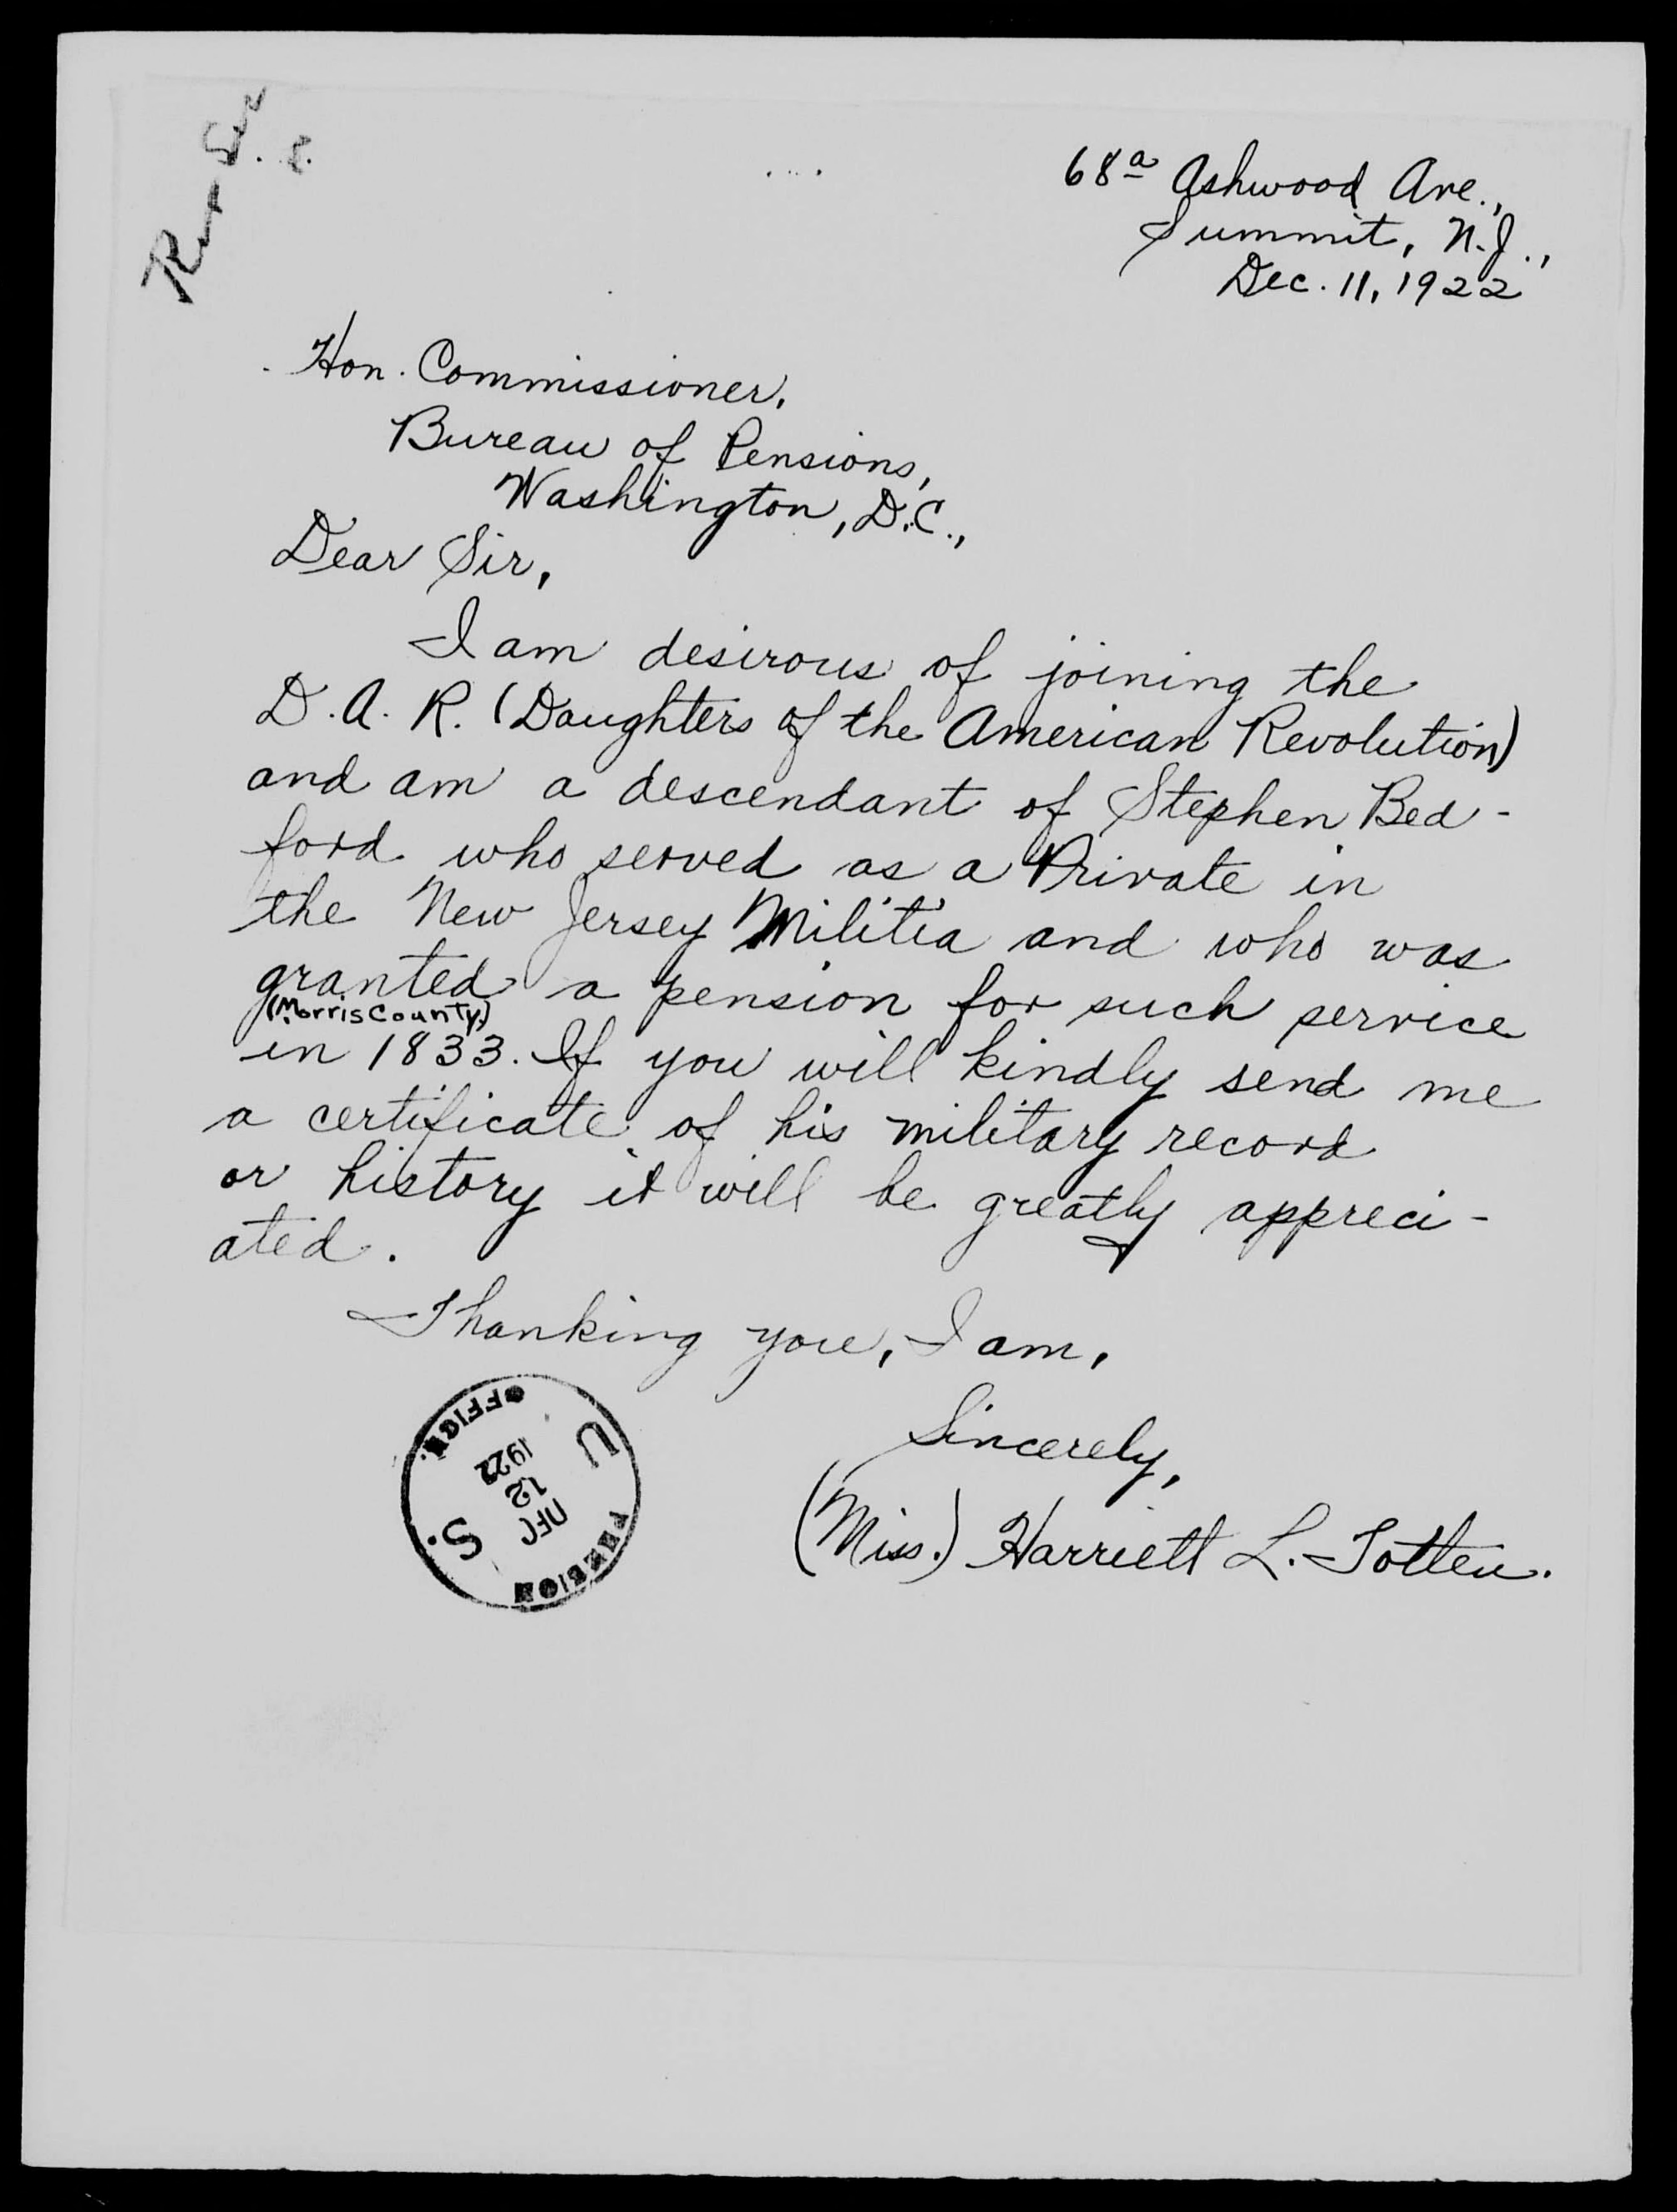Rev Sec

68a Ashwood Ave.
Summit, N.J.
Dec. 11, 1922
Hon. Commissioner,
Bureau of Pensions,
Washington, D.C.
Dear Sir,
I am desirous of joining the D.A.R. (Daughters of the American Revolution) and am a descendant of Stephen Bedford, who served as a Private in the New Jersey Militia and who was granted a pension for such service (Morris County) in 1833. If you will kindly send me a certificate of his military record or history it will be greatly appreciated.
Thanking you, I am,
Sincerely,
(Miss) Harriett L. Totten.
 [stamp] U.S. PENSION OFFICE DEC 12 1922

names: Harriett L Totten, Stephen Bedford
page: 30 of 31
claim: survivor's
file: S. 2372, Stephen Bedford, New Jersey